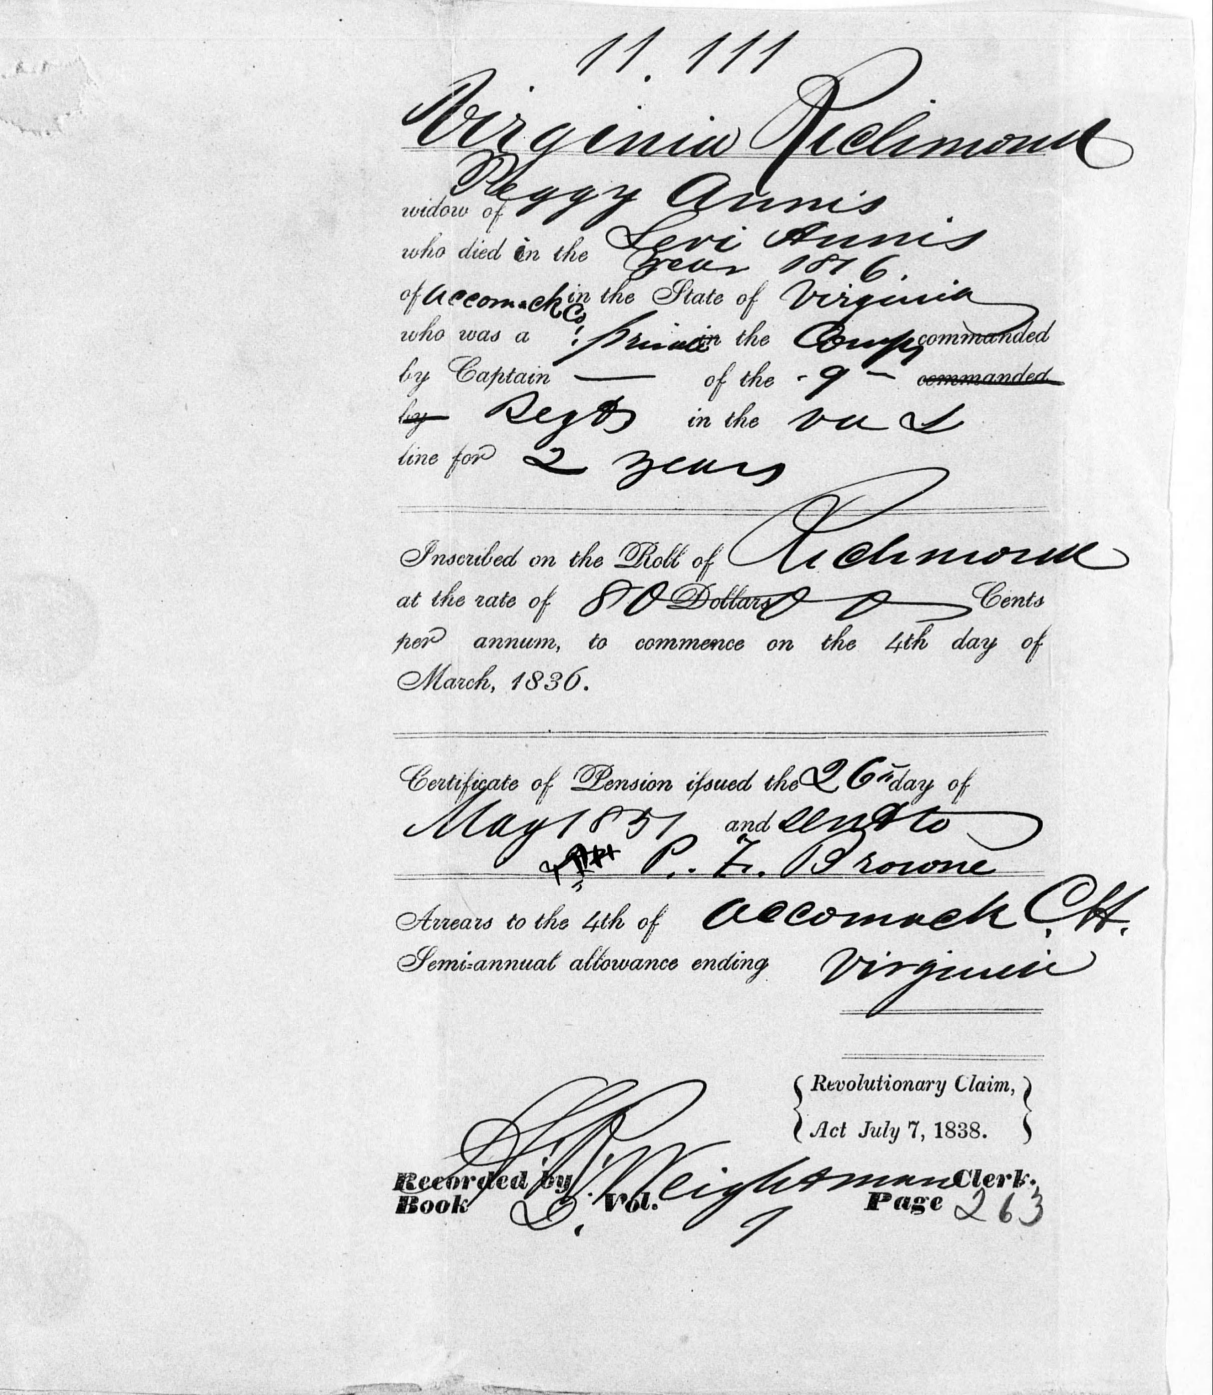11.111
Virginia Richmond
Peggy Annis
widow of Levi Annis
who died in the year 1816. of Accomack in the State of Virginia
who was a private in the Compy commanded by Captain - of the 9 - Regt in the Va 2 line for 2 years

Certificate of Pension issued the 26 day of May 1851 and sent to
P. F. Browne
Accomack C.H.
Virginia

Arrears to the 4th of
Semi-annual allowance ending
(Revolutionary Claim, Act July 7, 1838.}
Recorded by H. R. Weightman Clerk,
Book D. Vol. 1 Page 263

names: Peggy Annis, Levi Annis, H R Weightman, P F Browne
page: 14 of 27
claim: widow's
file: W 5624, Levi Annis, Va. Va. Sea Service